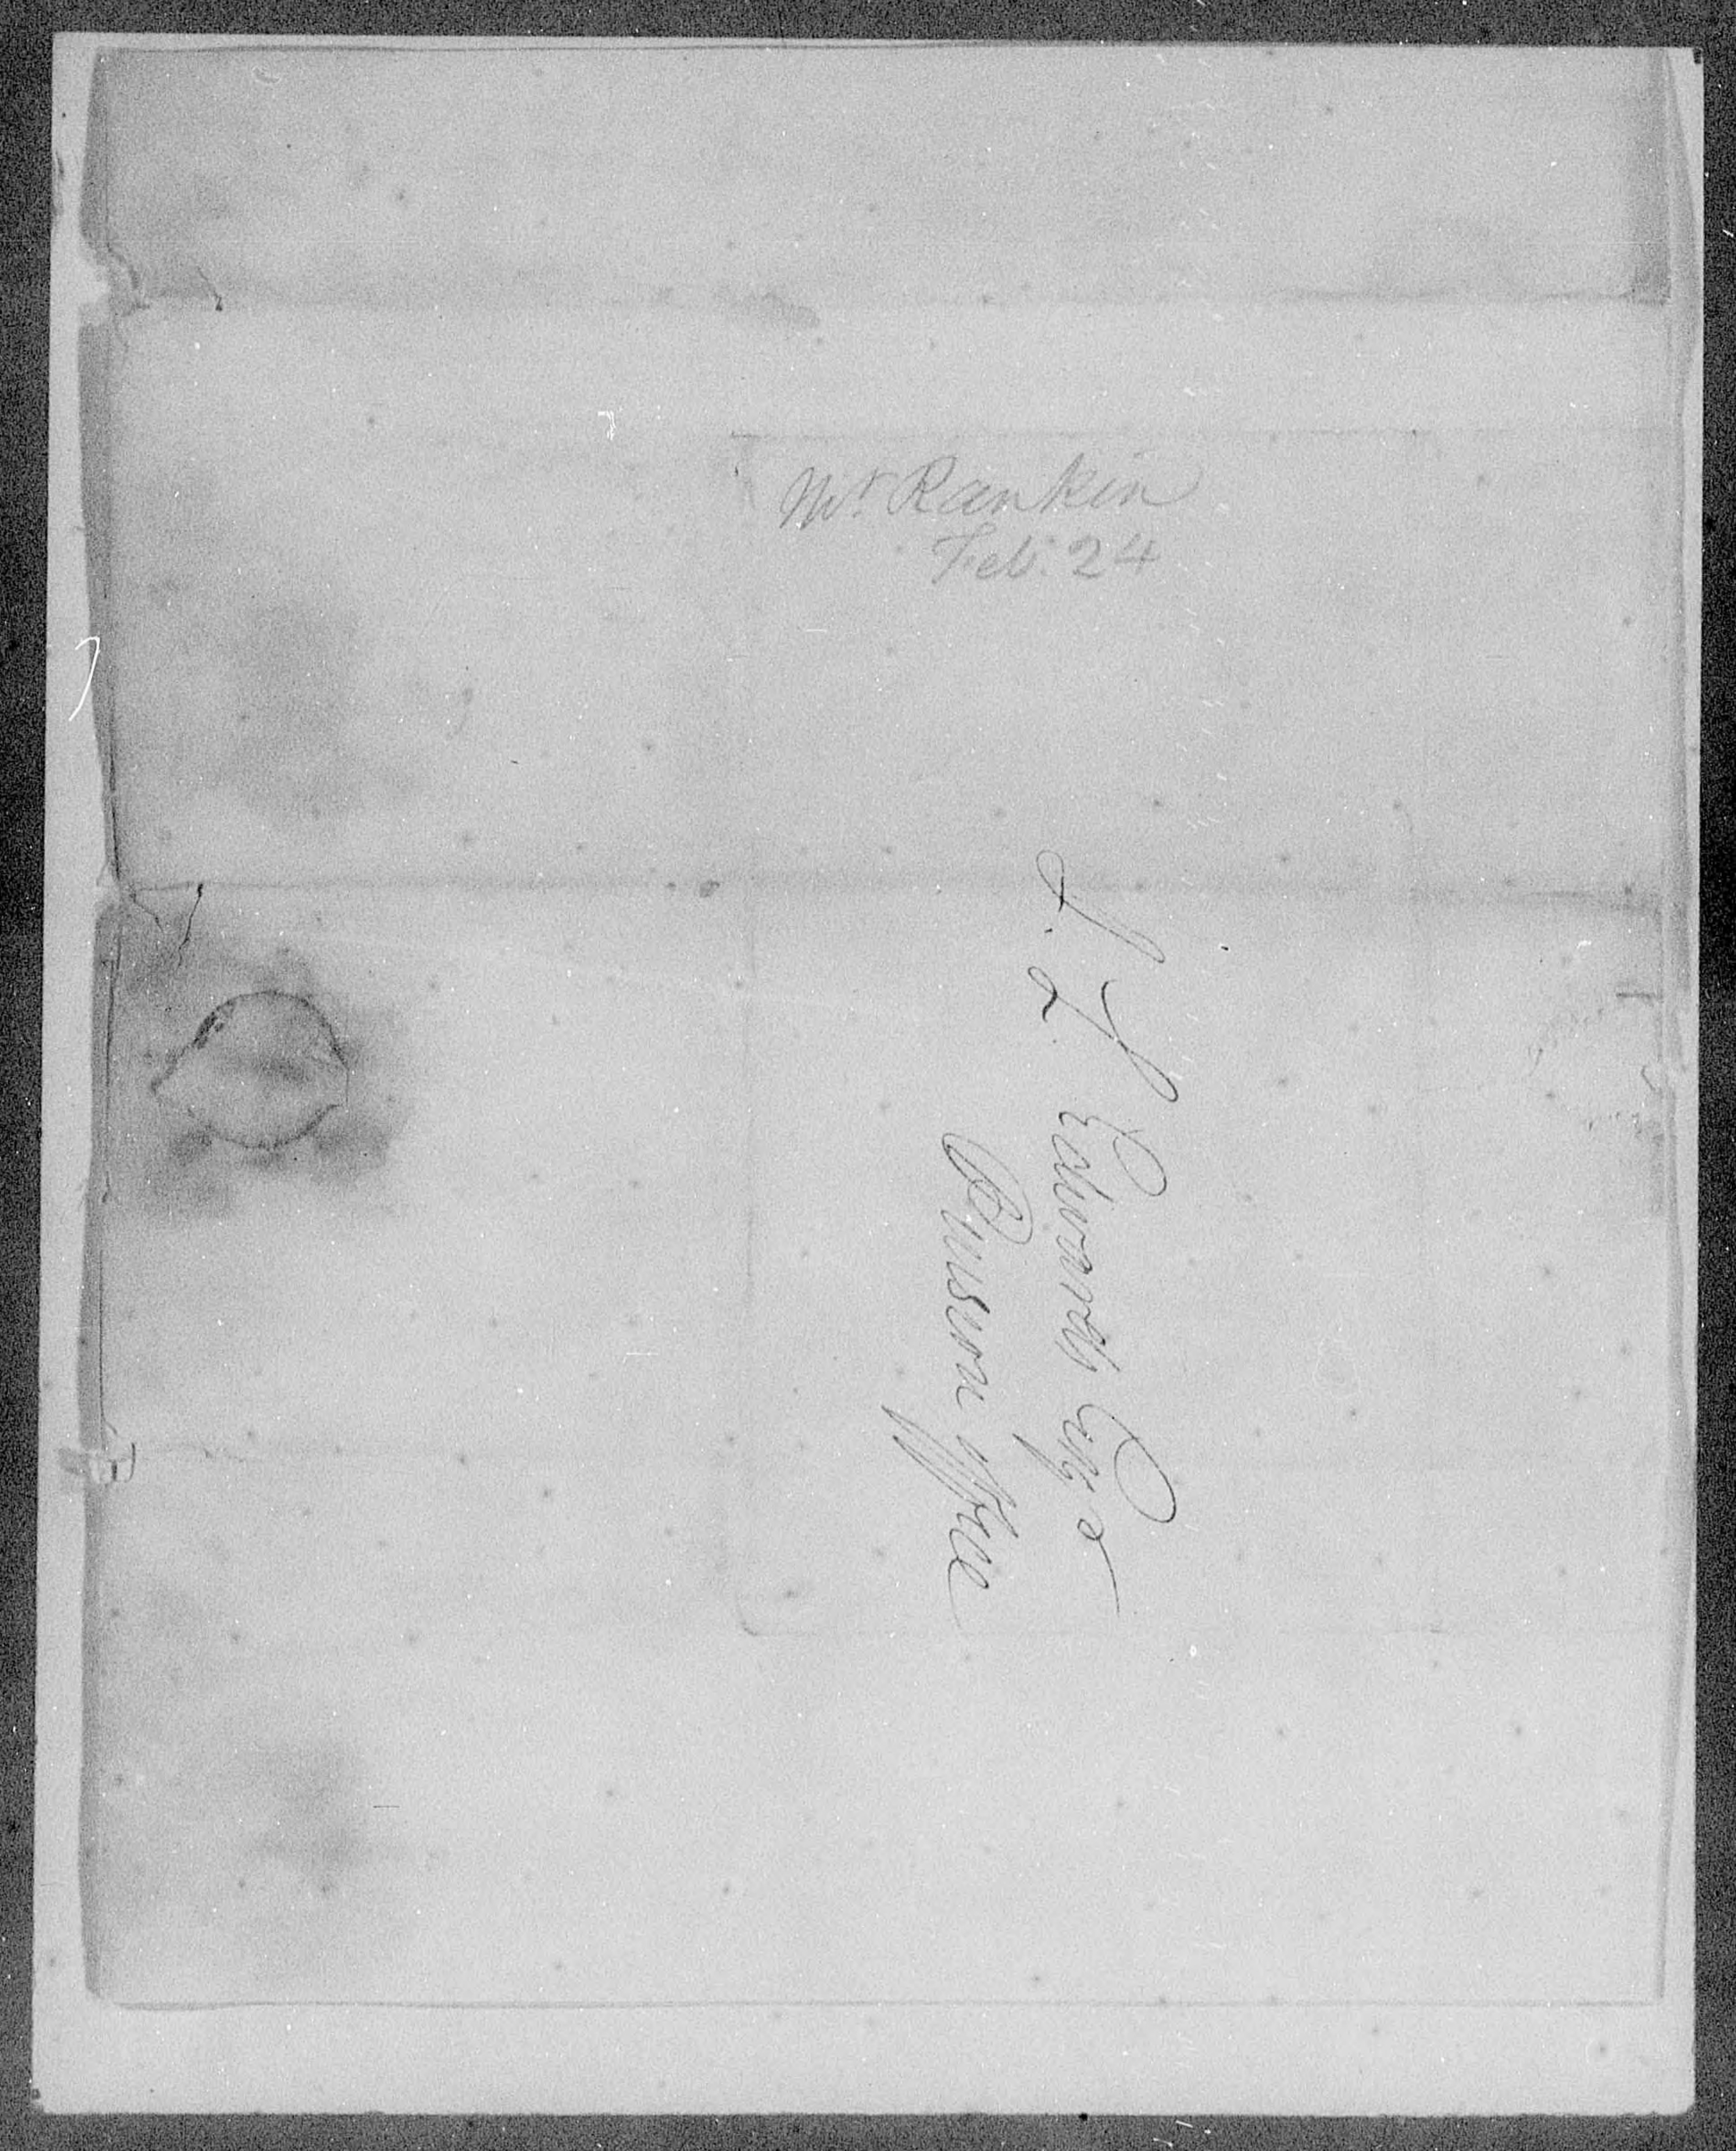Wt. Rankin
Feb. 24
J. L. Edwards Esqr.
Pension Office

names: Rankin, J L Edwards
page: 17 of 24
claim: survivor's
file: S. 34903, Benjamin Goodwin, Va.